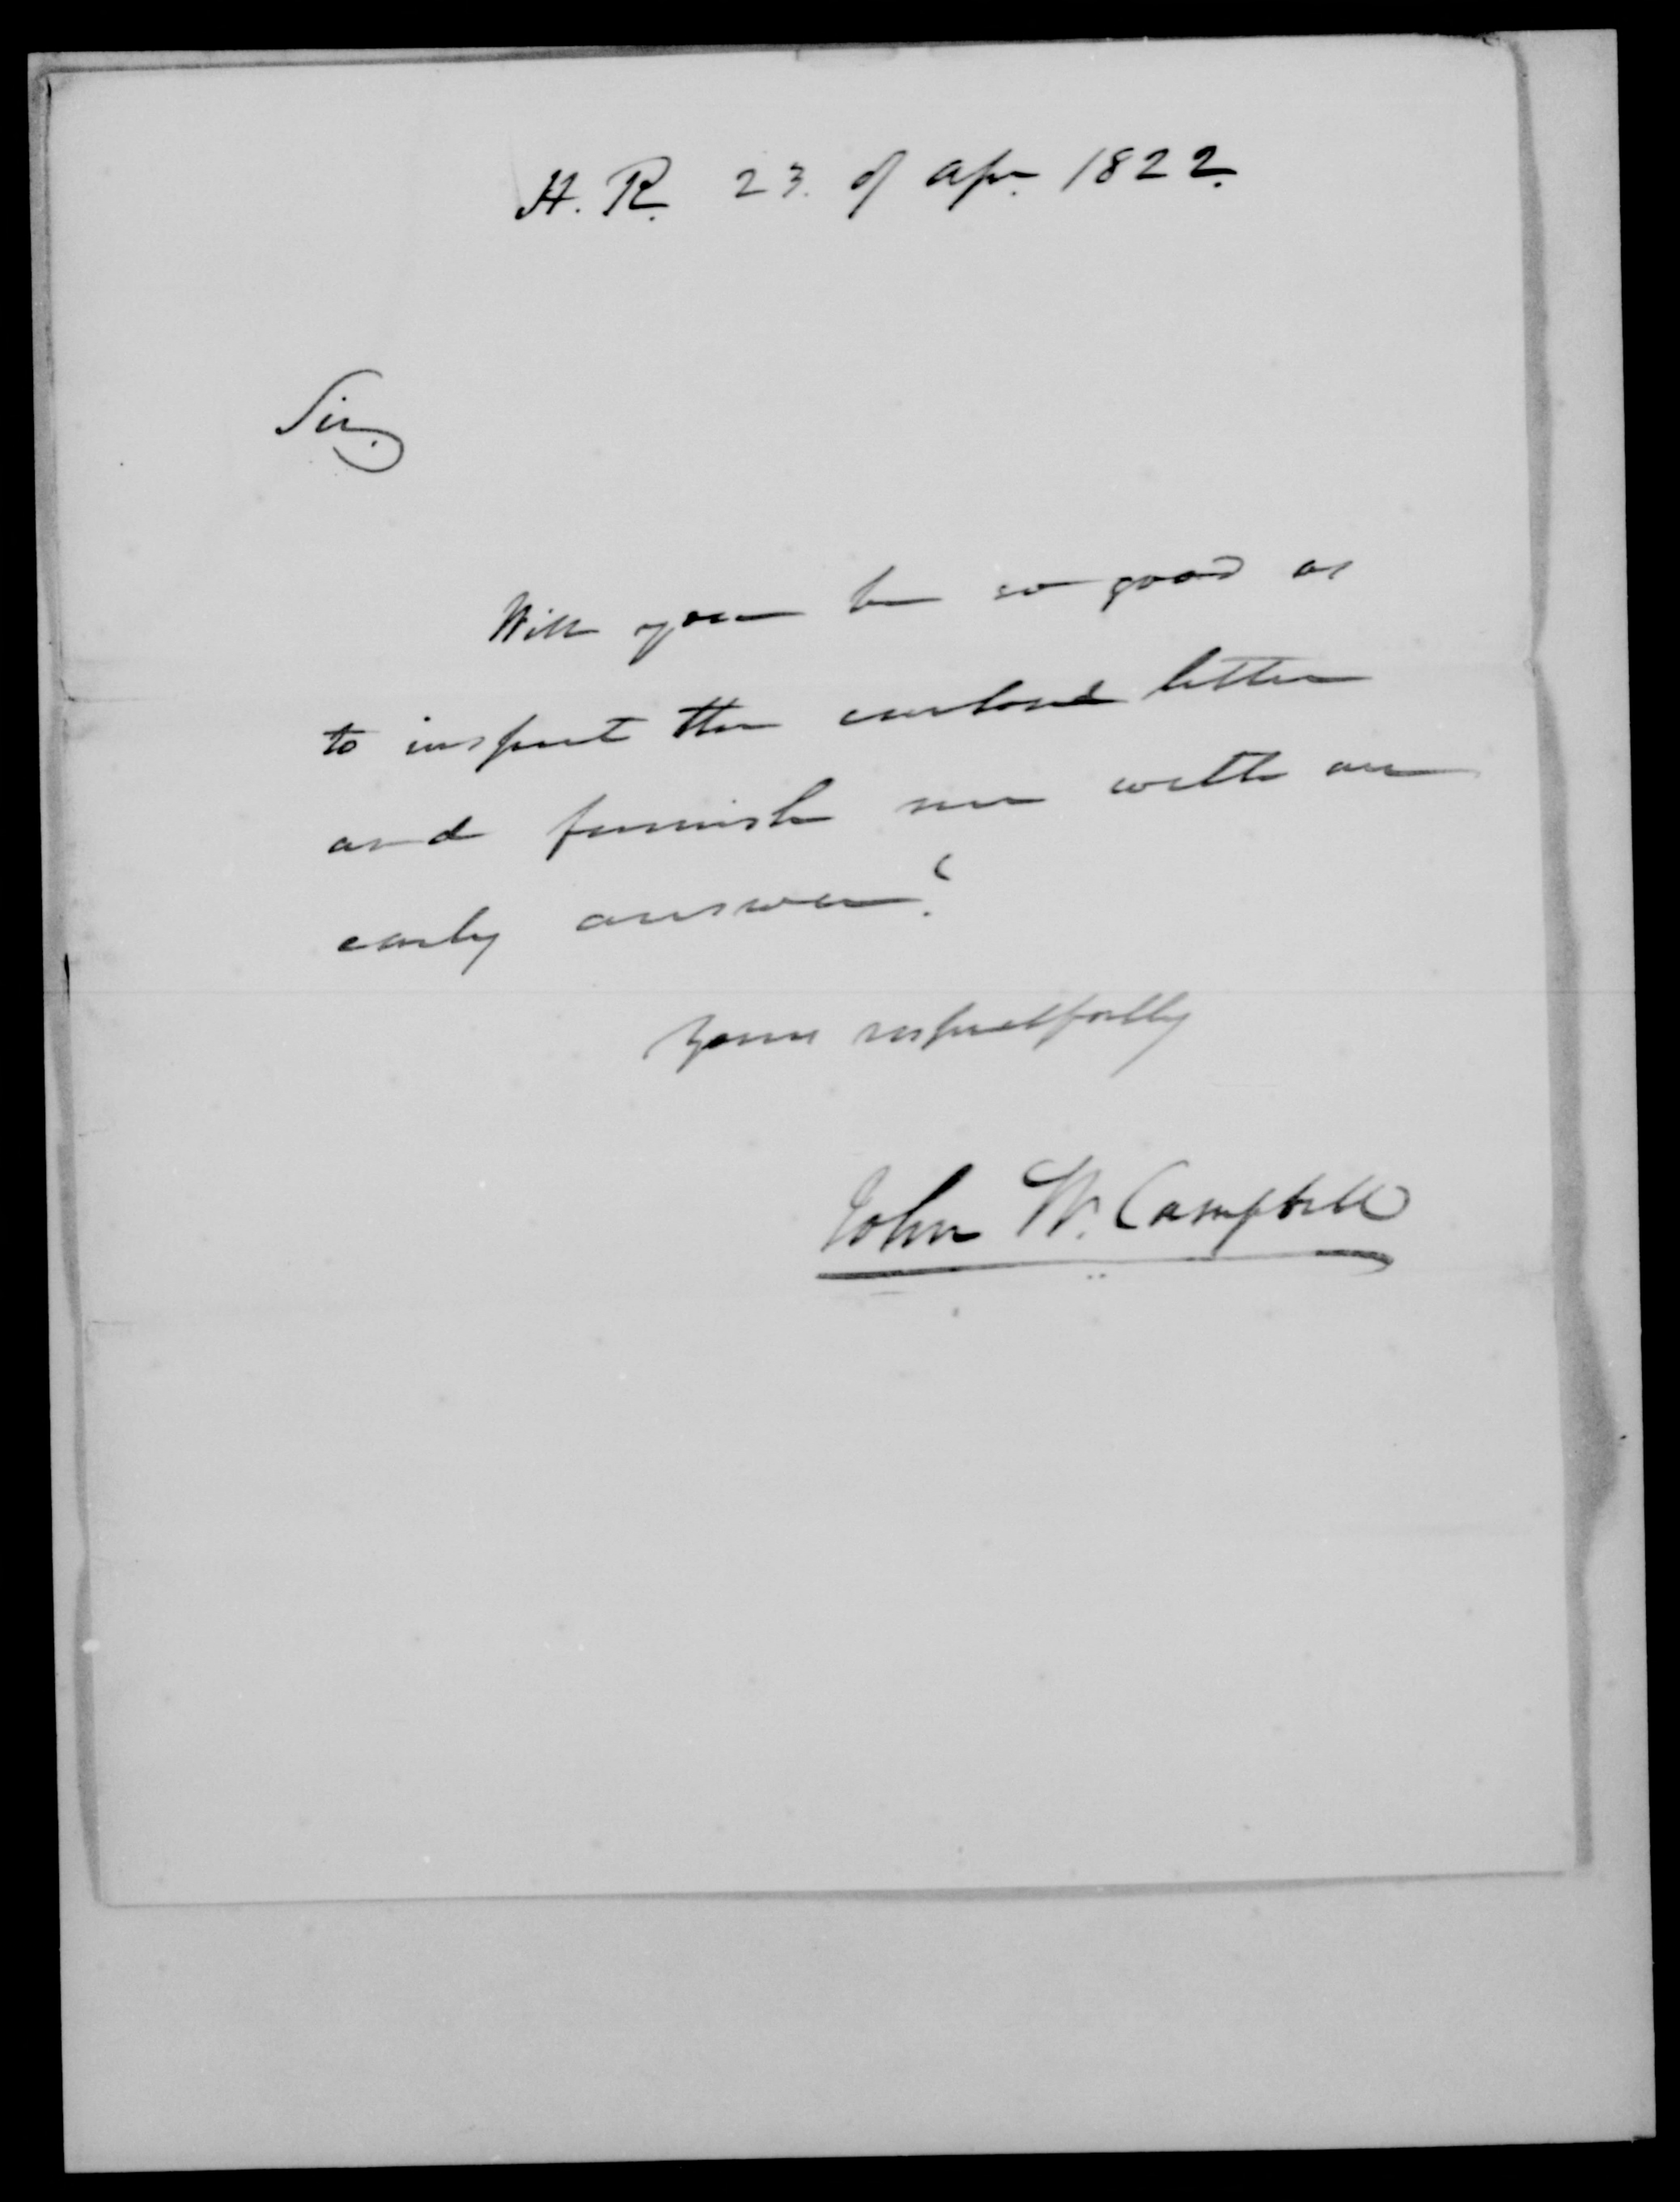H. R. 23. of Apr. 1822. 
Sir. Will you be so good as to impart the evidence [contained?] letter and furnish me with an early answer? Yours respectfully John W. Campbell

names: John W Campbell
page: 34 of 66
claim: survivor's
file: S 40458, for Obadiah Smith, New York